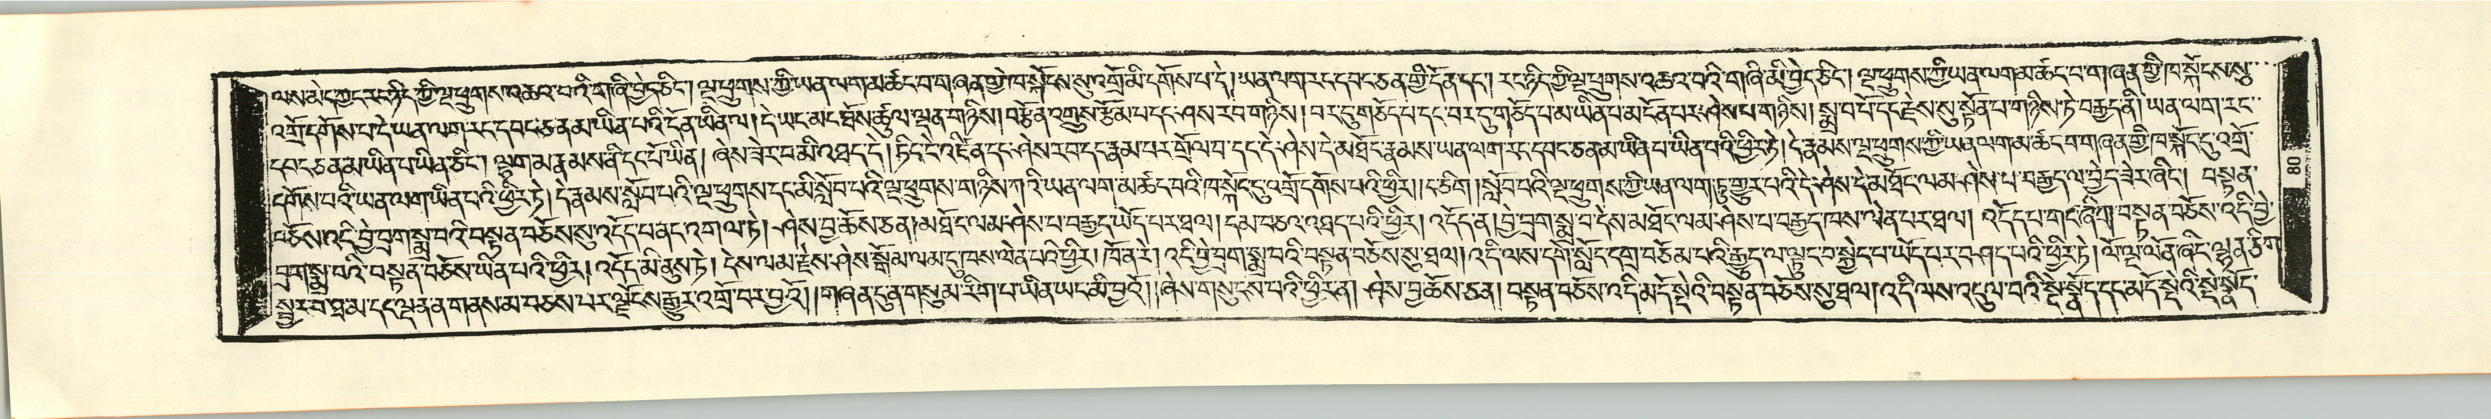ལས་མེད་ཀྱང་རང་ཉིད་ཀྱི་ལྔ་ཕྲུགས་འཆའ་བའི་གཞི་ཞེས་ཟེར་བ་མི་འཐད་དེ། ཏིང་ངེ་འཛིན་དང་ཤེས་རབ་དང་སྐོངས་སུ་འགྲོ་མི་དགོས་པ་དེ། ཡན་ལག་རང་དབང་ཅན་གྱི་དོན་དང་། རང་ཉིད་ཀྱི་ལྔ་ཕྲུགས་འཆའ་བའི་གཞི་མི་བྱེད་ཅིང་། ལྔ་ཕྲུགས་ཀྱི་ཡན་ལག་མ་ཚང་བ་གཞན་གྱི་ཁ་སྐོངས་སུ་
འགྲོ་དགོས་པ་དེ་ཡན་ལག་རང་དབང་ཅན་མ་ཡིན་པའི་དོན་ཡིན་ལ། དེ་ཡང་མང་ཐོས་ཚུལ་ལྡན་གཉིས། བརྩོན་འགྲུས་རྩོམ་པ་དང་ཤས་རབ་གཉིས། བར་དུ་གཅོད་པ་དང་བར་དུ་གཅོད་པ་མ་ཡིན་པ་མངོན་པར་ཤེས་པ་གཉིས། སྨྲ་བ་པོ་དང་རྗེས་སུ་སྟོན་པ་གཉིས་ཏེ་བརྒྱད་ནི། ཡན་ལག་རང་
དབང་ཅན་མ་ཡིན་པ་ཡིན་ཅིང་། ལྷག་མ་རྣམས་ནི་དང་པོ་ཡིན། ཞེས་ཟེར་བ་མི་འཐད་དེ། ཏིང་ངེ་འཛིན་དང་ཤེས་རབ་དང་རྣམ་པར་གྲོལ་བ་དང་དེ་ཤེས་དེ་མཐོང་རྣམས་ཡན་ལག་རང་དབང་ཅན་མ་ཡིན་པ་ཡིན་པའི་ཕྱིར་ཏེ། དེ་རྣམས་ལྔ་ཕྲུགས་ཀྱི་ཡན་ལག་མ་ཚང་བ་གཞན་གྱི་ཁ་སྐོང་དུ་འགྲོ་
དགོས་པའི་ཡན་ལག་ཡིན་པའི་ཕྱིར་ཏེ། དེ་རྣམས་སློབ་པའི་ལྔ་ཕྲུགས་དང་མི་སློབ་པའི་ལྔ་ཕྲུགས་གཉིས་ཀའི་ཡན་ལག་མ་ཚང་བའི་ཁ་སྐོང་དུ་འགྲོ་དགོས་པའི་ཕྱིར། །ང་ཅིག །སློབ་པའི་ལྔ་ཕྲུགས་ཀྱི་ཡན་ལག་ཏུ་གྱུར་པའི་དེ་ཤེས་དེ་མཐོང་ལམ་ཤེས་པ་བརྒྱད་ལ་བྱེད་ཟེར་ཞིང་། བསྟན་
བཅོས་འདི་བྱེ་བྲག་སྨྲ་བའི་བསྟན་བཅོས་སུ་འདོད་པ་ནང་འགལ་ཏེ། ཤེས་བྱ་ཆོས་ཅན། མཐོང་ལམ་ཤེས་པ་བརྒྱད་ཡོད་པར་ཐལ། དམ་བཅའ་འཐད་པའི་ཕྱིར། འདོད་ན། བྱེ་བྲག་སྨྲ་བ་དེས་མཐོང་ལམ་ཤེས་པ་བརྒྱད་ཁས་ལེན་པར་ཐལ། འདོད་པ་གང་ཞིག་བསྟན་བཅོས་འདི་བྱེ་
བྲག་སྨྲ་བའི་བསྟན་བཅོས་ཡིན་པའི་ཕྱིར། འདོད་མི་ནུས་ཏེ། དེས་ལམ་རྗེས་ཤེས་སྒོམ་ལམ་དུ་ཁས་ལེན་པའི་ཕྱིར། ཁོ་ན་རེ། འདི་བྱེ་བྲག་སྨྲ་བའི་བསྟན་བཅོས་སུ་ཐལ། འདི་ལས་དགེ་སློང་དགྲ་བཅོམ་པའི་རྒྱུད་ལ་ལྟུང་བ་སྐྱེད་པ་ཡོད་པར་བཤད་པའི་ཕྱིར་ཏེ། ལོ་ལྔ་ལོན་ཞིང་ལྷན་ཅིག་
སྦྱར་བ་ཐ་མ་དང་ལྡན་ན་གནས་མ་བཅས་པར་ལྗོངས་རྒྱུར་འགྲོ་བར་བྱའོ། །གཞན་དུ་ན་གསུམ་རིག་པ་ཡིན་ཡང་མི་བྱའོ། །ཞེས་གསུངས་པའི་ཕྱིར་ན། ཤེས་བྱ་ཆོས་ཅན། བསྟན་བཅོས་འདི་མདོ་སྡེའི་བསྟན་བཅོས་སུ་ཐལ། འདི་ལས་འདུལ་བའི་སྡེ་སྣོད་དང་མདོ་སྡེའི་སྡེ་སྣོད་